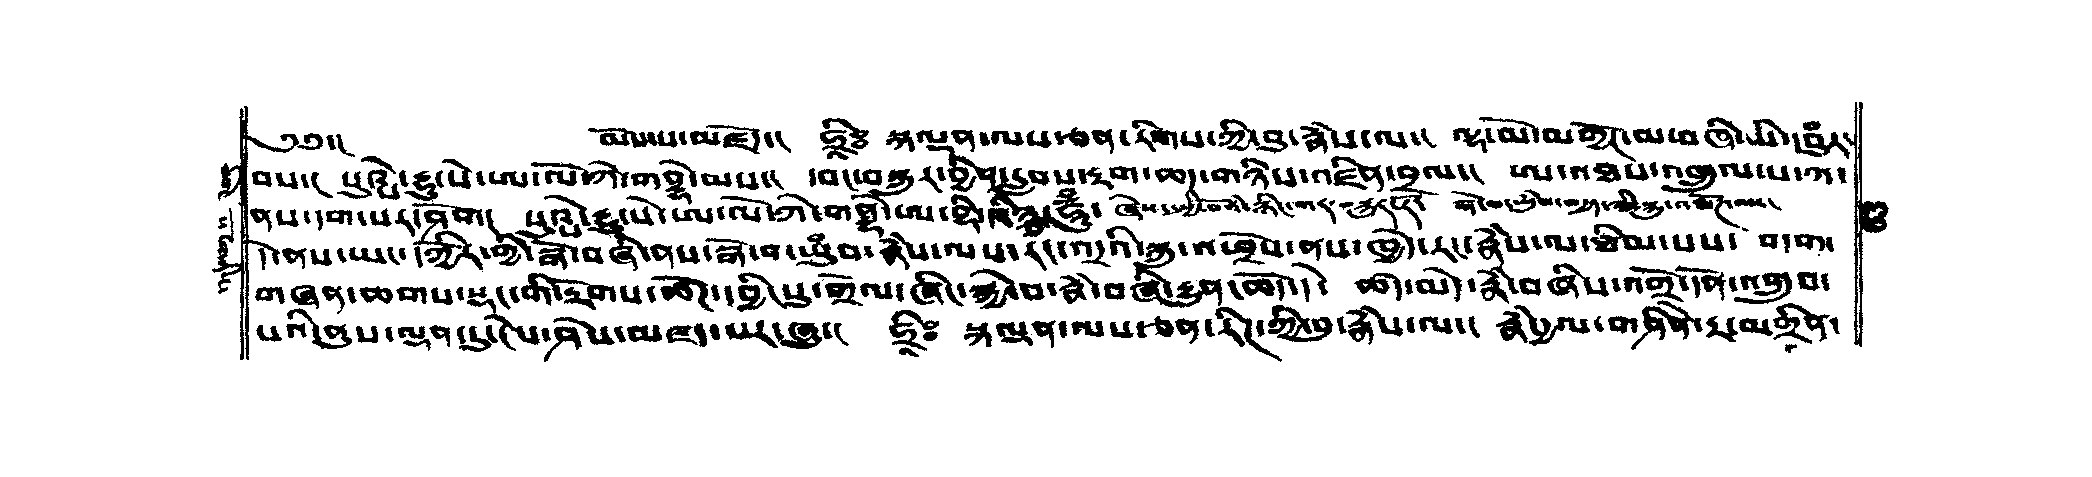མོས་པ་མཛོད། ཧྲཱིཿ སྐལ་ལྡན་ལས་ཅན་རིགས་ཀྱི་བུ་རྣམས་ལ། ལྷ་མོ་མགྱོགས་མ་བཞི་ཡི་དབང་བསྐུར་
བས། པུཥྤེ་དྷུ་པེ་ཨ་ལོ་ཀེ་གནྡྷེ་མས། དབང་བསྐུར་བྱིན་རླབས་རྟག་ཆད་གཉིས་འཛིན་བྲལ། ཨ་འཐས་འཁྲུལ་པ་ཀ་
ནས་དག་པར་ཤོག པུཥྤེ་དྷུ་པེ་ཨ་ལོ་ཀེ་གནྡྷ་ཨ་བྷི་རིཉྩ་ཧཱུྃ། ཞེས་སྤྱི་བོའམ་སྙིང་གར་བསྐུར་རོ། སྒོ་བ་ཡབ་ཡུམ་བརྒྱད་ཀྱི་སྐུ་འཚོགས་ལ། 
དེ་ནས་ཡང་དཀྱིལ་འཁོར་གྱི་སྒོ་བཞི་ནས་སྒོ་བ་ཡབ་ཡུམ་རྣམས་ལས་རང་འདྲའི་སྐུ་འཕྲོས་ནས་ཁྱེད་རང་རྣམས་ལ་ཐིབ་པས། བདག་
གཞན་ཆགས་སྡང་གི་རྟོགས་ཚོགས་དབྱིངས་སུ་གྲོལ་ཞིང་སྐྱེ་བ་རྣམ་བཞི་རྒྱུན་ཆོད་དེ། ཚད་མེད་རྣམ་བཞིས་འགྲོ་དོན་འགྲུབ་
པའི་ནུས་ལྡན་དུ་ངེས་ཤེས་མཛད་པར་ཞུ། ཧྲཱིཿ སྐལ་ལྡན་ལས་ཅན་རིགས་ཀྱི་བུ་རྣམས་ལ། རྣམ་རྒྱལ་གཤིན་རྗེ་རྟ་མགྲིན་